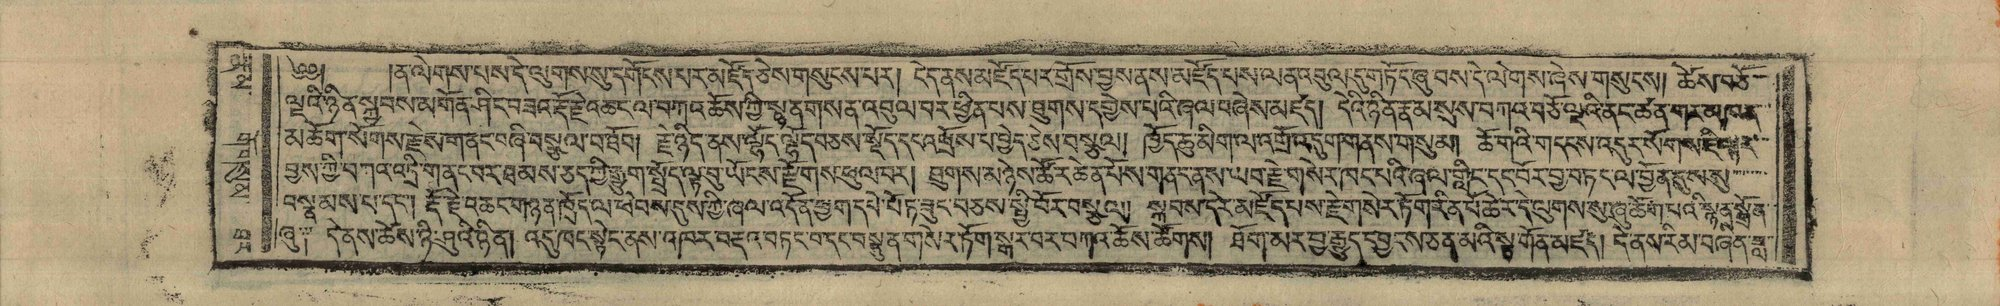༄༅། །ན་ལེགས་པས་དེ་ལུགས་སུ་དགོངས་པར་མཛོད་ཅེས་གསུངས་པར། ངེད་ནས་མཛོད་པར་གྲོས་བྱས་ནས་མཛོད་པས་ལན་འབུལ་དུ་གཏོང་ཞུ་བས་དེ་ལེགས་ཞེས་གསུངས། ཚེས་བཅོ་
ལྔའི་ཉིན་སྐྱབས་མགོན་ཤིང་བཟའ་རྡོ་རྗེ་འཆང་ལ་བཀའ་ཆོས་ཀྱི་སྙན་གསན་འབུལ་བར་ཕྱིན་པས་ཐུགས་དགྱེས་པའི་ཞལ་བཞེས་མཛད། དེའི་ཉིན་རྣམ་སྲས་བཀའ་བཅོ་ལྔའི་ནང་ཚན་གར་མཁན་
མཆོག་སོགས་རྗེས་གནང་བཞི་བསྩལ་བ་ཐོབ། རྗེ་ཉིད་ནས་ལྷོད་ལྷོད་བཅས་སྡོད་དང་འཕྲོས་པ་བྱེད་ཅེས་བསྩལ། ཁྱོད་ཆུ་མིག་ལ་འགྲོ་འདུག་གནས་གསུམ། ཆོ་གའི་གདངས་འདུར་སོགས་ཇི་ལྟར་
བྱས་ཀྱི་བཀའ་འདྲི་གནང་བར་ཐམས་ཅད་ཀྱི་རྒྱུག་སྤྲོད་ལྟ་བུ་ཡོངས་རྫོགས་ཕུལ་བར། ཐུགས་མཉེས་ཚོར་ཆེན་པོས་གནང་ནས་ཡབ་རྗེ་གསེར་ཁང་པའི་ཞལ་གླིང་དང་པོར་བྱ་བཏང་ལ་བྱོན་དུས་སུ་
བསྣམས་པ་དང་། རྡོ་རྗེ་འཆང་གཉན་ཁྲོད་ལ་ཕེབས་དུས་ཀྱི་ཞལ་འདོན་ཕྱག་དཔེ་པོ་ཏ་ཟུང་བཅས་སྤྱི་བོར་བསྩལ། སྐབས་དེར་མཛོད་པས་རྗེ་གསེར་ཏོག་རིན་པོ་ཆེར་དེ་ལུགས་སུ་ཞུ་ཆོག་པའི་སྙན་སྒྲོན་
ཞུ༑ དེ་ནས་ཚེས་ཉི་ཤུའི་ཉིན། འདུ་ཁང་སྟེང་ནས་འཁར་བརྡའ་བཏང་བ་དང་བསྟུན་གསེར་ཏོག་སྒར་བར་བཀའ་ཆོས་ཚོགས། ཐོག་མར་བྱ་རྒྱུད་དབྱངས་ཅན་མའི་སྟ་གོན་མཛད། དེ་ནས་རིམ་བཞིན་ཟླ་